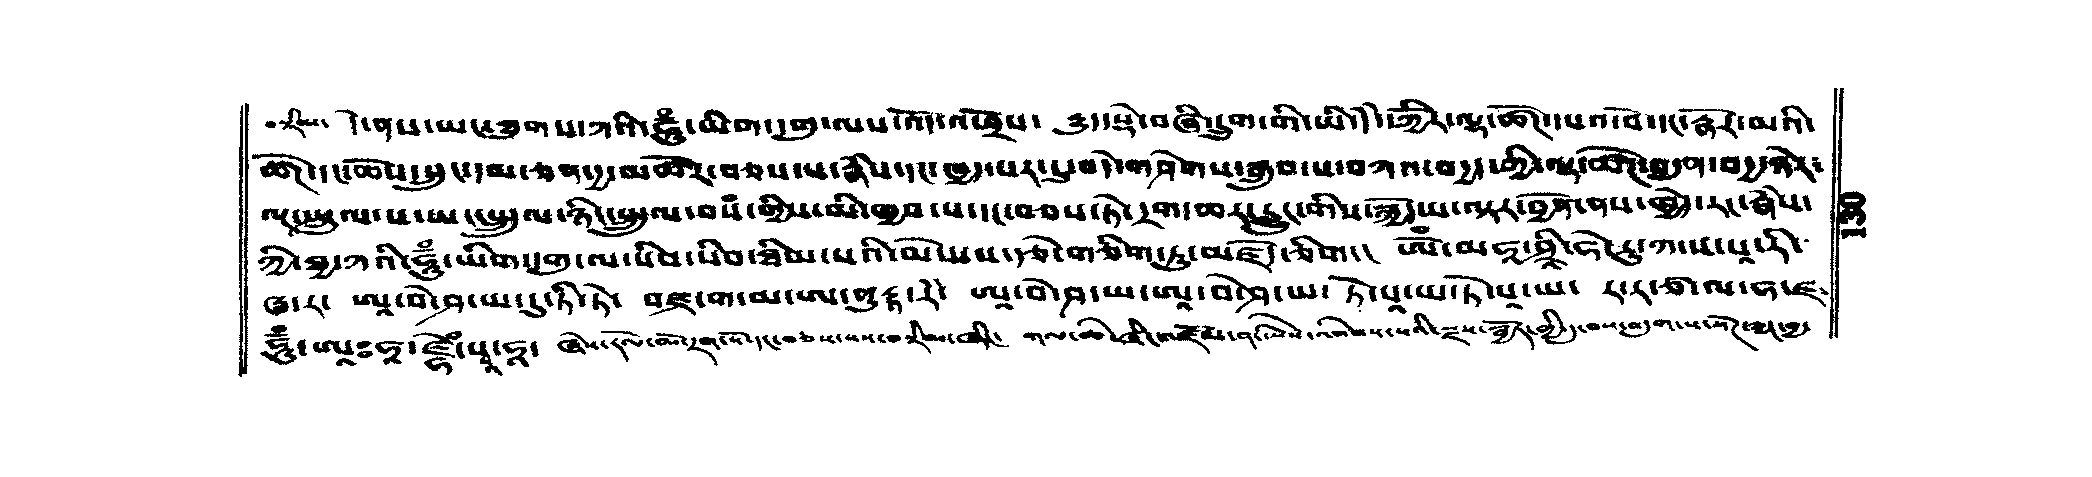བསྟིམ། དེ་ནས་ཡང་ཐུགས་ཀའི་ཧཱུྃ་ཡིག་དགུ་ལས་འོད་འཕྲོས། རྒྱུད་སྡེ་བཞི་དྲུག་གི་ཡི་དམ་དཀྱིལ་འཁོར་ལྷ་ཚོགས་དཔའ་བོ་དང་རྣལ་འབྱོར་མའི་
ཚོགས་དང་ཆོས་སྲུང་དམ་ཅན་རྒྱ་མཚོར་བཅས་པ་རྣམས་དང་ཁྱད་པར་དུ་བདེ་གཤེགས་སྒུརབ་པ་བཀའ་བརྒྱད་ཀྱི་ལྷ་ཚོགས་བདུན་བརྒྱ་ཉེར་
ལྔ་སྤྲུལ་པ་ཡང་སྤྲུལ་ཉིད་སྤྲུལ་བསམ་གྱིས་མི་ཁྱབ་པ་དང་བཅས་ཏེ་དྲག་ཆར་རླུང་གིས་སྐྱོད་པ་ལྟར་བྱོན་ནས་ཁྱེད་རང་རྣམས་
ཀྱི་ཐུགས་ཀའི་ཧཱུྃ་ཡིག་དགུ་ལ་སིབ་སིབ་ཐིམ་པའི་མོས་པ་རྩེ་གཅིག་ཏུ་མཛོད་ཅིག ཨོཾ་མ་ཧཱ་ཤྲཱི་ཧེ་རུ་ཀ་ས་པཱ་རི་
ཝ་ར། ཨཱ་བེ་ཤ་ཡ་དུ་ཏི་ཏེ། བཛྲ་ག་མ་ཨ་ནུཏྟ་རམ། ཨཱ་བེ་ཤ་ཡ་ཨཱ་བེ་ཤ་ཡ། ཏོ་པཱ་ཡ་ཏོ་པཱ་ཡ། ར་ར་ཙ་ལ་ཧ་ཛ་
ཧཱུྃ་ཨཱཿཧཱ་ཛྷེཾ་སྭཱ་ཧཱ། ཞེས་རོལ་མོ་དྲག་པོ་དང་བཅས་པས་བསྟིམ་ཞིང་། གལ་ཆེ་ཞིང་འཛོམ་ན་ཡེ་ཤེས་འབེབས་པའི་རྫས་སྦྱོར་གྱི་དུ་བས་བདུག་པ་སོགས་ཀྱང་བྱ་